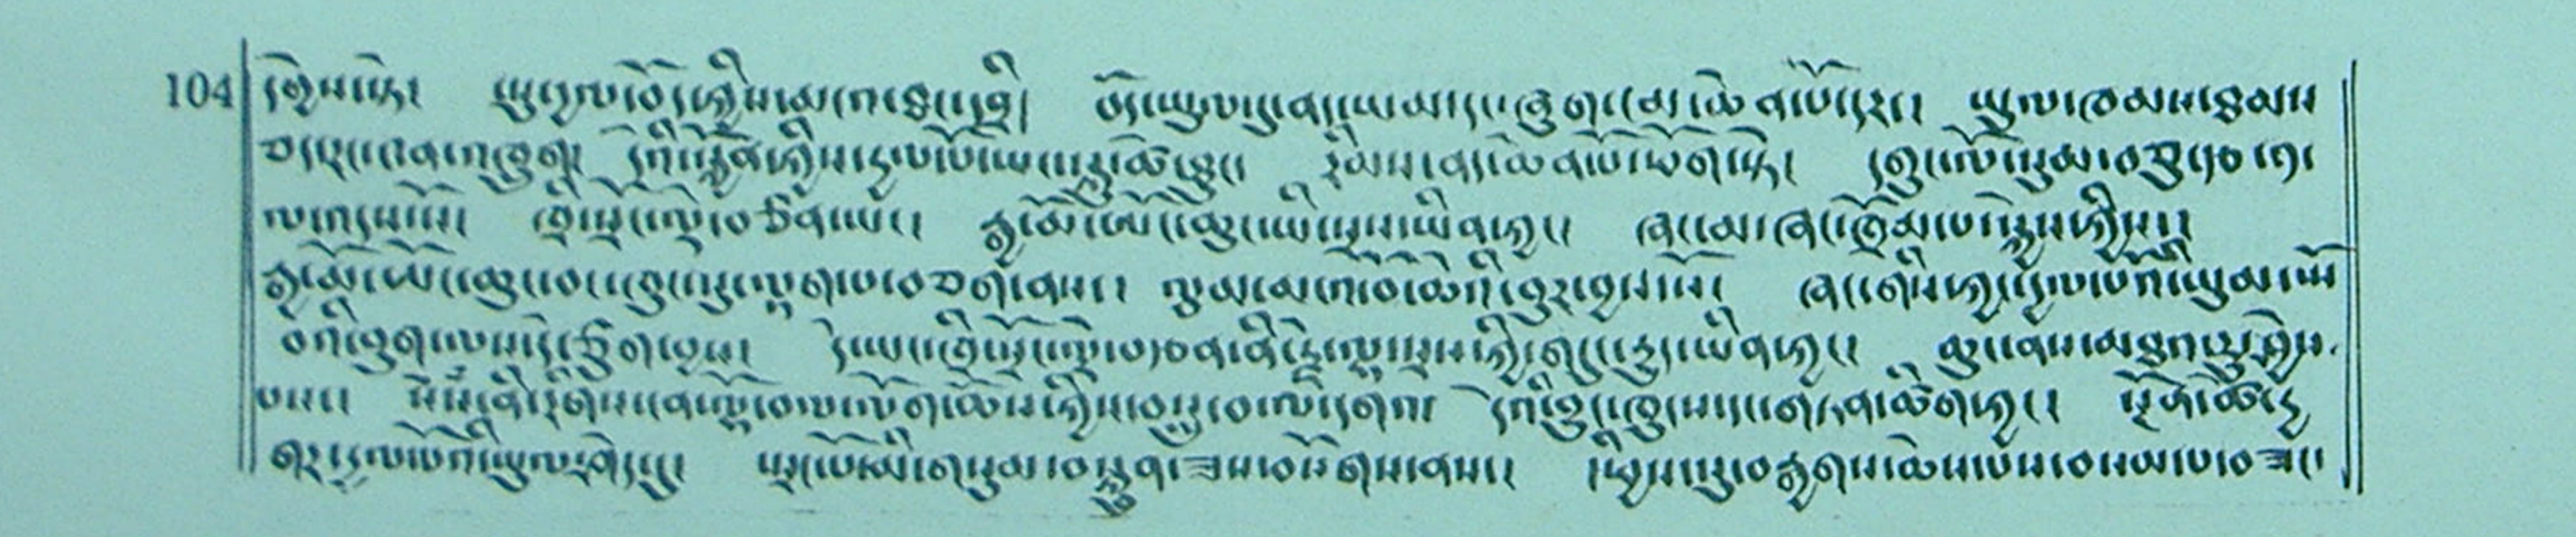དགྱེས་ཏེ། སྤུ་རྒྱལ་བོད་ཀྱི་མངའ་ཐང་དབྲི། བོད་ཡུལ་དུ་ནད་ཡམས་དང་ཞུགས་ངམ་ཆེན་པོ་དར། ཡུལ་ཁམས་ཐམས་
ཅད་རང་བཞིན་འཁྲུགས། དེའི་སྐྱོན་གྱིས་རྒྱལ་བོ་ཡང་སྐུ་ཚེ་ཐུང་། རིམས་ནད་ཆེན་པོ་ཕོག་སྟེ༑ དགུང་ལོ་སུམ་བཅུ་རྩ་གཅིག་
ལ་འདས་སོ། །ཁྲི་སྲོང་ལྡེ་བཙན་ཡང་། རྒྱ་མོ་ཨོང་ཆུང་གི་སྲས་ཡིན་ཀྱང་། ཞང་མ་ཞང་ཁྲོམ་པ་སྐྱེས་ཀྱིས།
 རྒྱ་མོ་ཨོང་ཆུང་བང་ཁུངས་སུ་ལྟག་པ་བཅག་ནས། ལྕམ་མངའ་བོ་ཆེའི་བུར་བྱས་སོ། ཞང་གིས་ཀྱང་རྒྱལ་པོའི་ཡུམ་སྤོ་
བའི་བུག་ལས་དེ་ཙུག་བྱས། དེ་ཡང་ཁྲི་སྲོང་ལྡེ་བཙན་ནི་རྗེ་ལྷ་སྲས་ཀྱི་གདུང་རྒྱུད་ཡིན་ཀྱང་། ཆུང་ནས་མཐའ་རུ་གཤེགས་
པས། སེམས་ནི་རིགས་ངན་ལྷོ་བལ་ལོག་ཆོས་ཀྱི་བསླུས་པ་ལ་དགའ། དེའི་བྱུང་ཁུངས་དང་གཏན་ཚིགས་ཀྱང་། སྔོན་ཚེ་རྒྱ་
གར་རྒྱལ་པོའི་ཡུལ་ཤེད་དུ། སྤྲང་བོ་མི་གསུམ་བསྐྲུན་ཟས་བསོགས་ནས། ཕྱིས་སུ་བརྒྱགས་ཆེས་པས་བསམ་པ་བཟང་